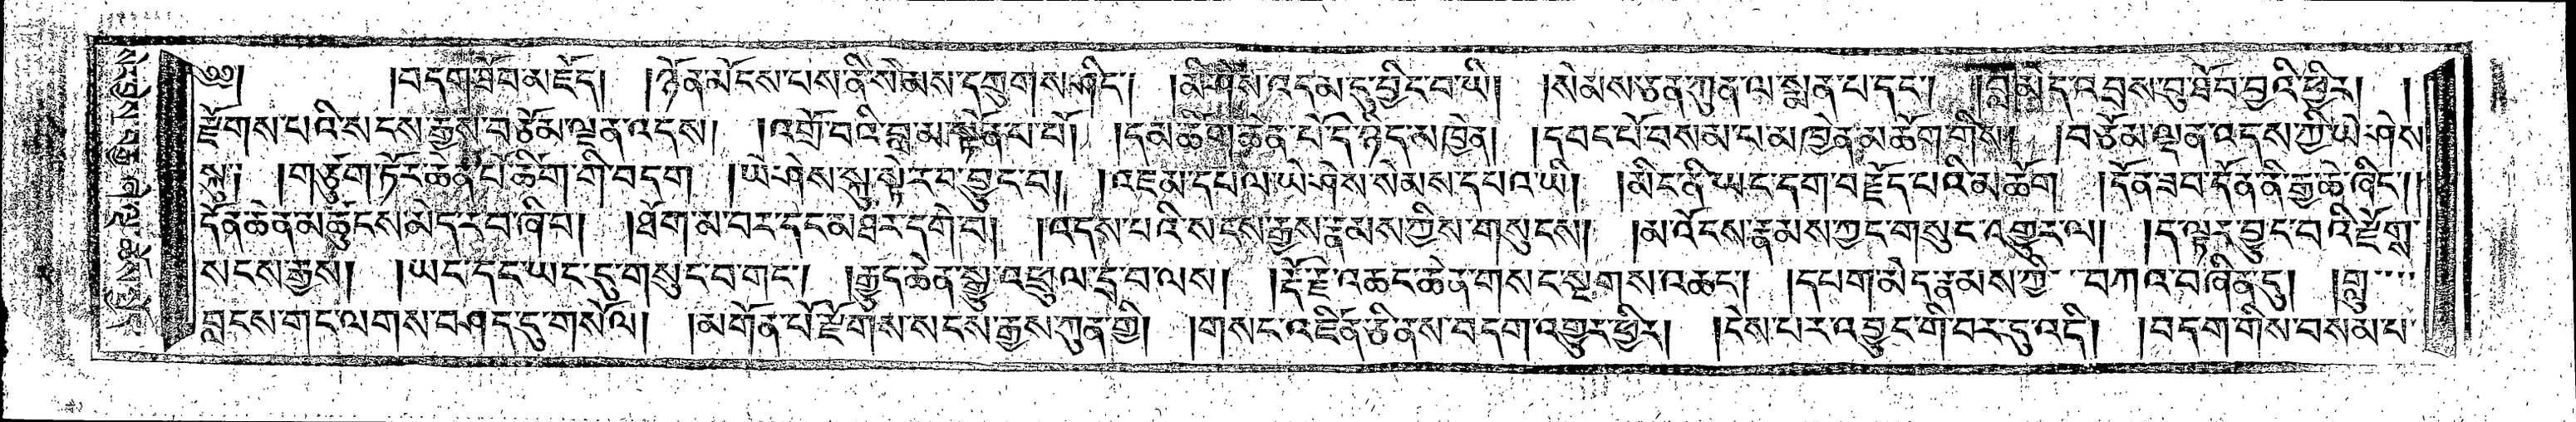༄༅། །བདག་ཐོབ་མཇོད། །ཉོན་མོངས་པས་ནི་སེམས་དཀྲུགས་ཤིང་། །མི་ཤེས་འདམ་དུ་བྱིང་བ་ཡི། །སེམས་ཅན་ཀུན་ལ་སྨན་པ་དང་། །བླ་མེད་འབྲས་བུ་ཐོབ་བྱའི་ཕྱིར། །
རྫོགས་པའི་སངས་རྒྱས་བཅོམ་ལྡན་འདས། །འགྲོ་བའི་བླ་མ་སྟོན་པ་པོ། །དམ་ཚིག་ཆེན་པོ་དེ་ཉིད་མཁྱེན། །དབང་པོ་བསམ་པ་མཁྱེན་མཆོག་གིས། །བཅོམ་ལྡན་འདས་ཀྱི་ཡེ་ཤེས་
སྐུ། །གཙུག་ཏོར་ཆེན་པོ་ཚིག་གི་བདག །ཡེ་ཤེས་སྐུ་སྟེ་རབ་བྱུང་བ། །འཇམ་དཔལ་ཡེ་ཤེས་སེམས་དཔའ་ཡི། །མིང་ནི་ཡང་དག་བརྗོད་པའི་མཆོག །དོན་ཟབ་དོན་ནི་རྒྱ་ཆེ་ཞིང་། །
དོན་ཆེན་མཚུངས་མེད་རབ་ཞི་བ། །ཐོག་མ་བར་དང་མཐར་དགེ་བ། །འདས་པའི་སངས་རྒྱས་རྣམས་ཀྱིས་གསུངས། །མ་འོངས་རྣམས་ཀྱང་གསུང་འགྱུར་ལ། །ད་ལྟར་བྱུང་བའི་རྫོགས་
སངས་རྒྱས། །ཡང་དང་ཡང་དུ་གསུང་བ་གང་། །རྒྱུད་ཆེན་སྒྱུ་འཕྲུལ་དྲ་བ་ལས། །རྡོ་རྗེ་འཆང་ཆེན་གསང་སྔགས་འཆང་། །དཔག་མེད་རྣམས་ཀྱི་བཀའ་བཞིན་དུ། །གླུ་
བླངས་གང་ལགས་བཤད་དུ་གསོལ། །མགོན་པོ་རྫོགས་སངས་རྒྱས་ཀུན་གྱི། །གསང་འཛིན་ཅི་ནས་བདག་འགྱུར་ཕྱིར། །ངེས་པར་འབྱུང་གི་བར་དུ་འདི། །བདག་གིས་བསམ་པ་